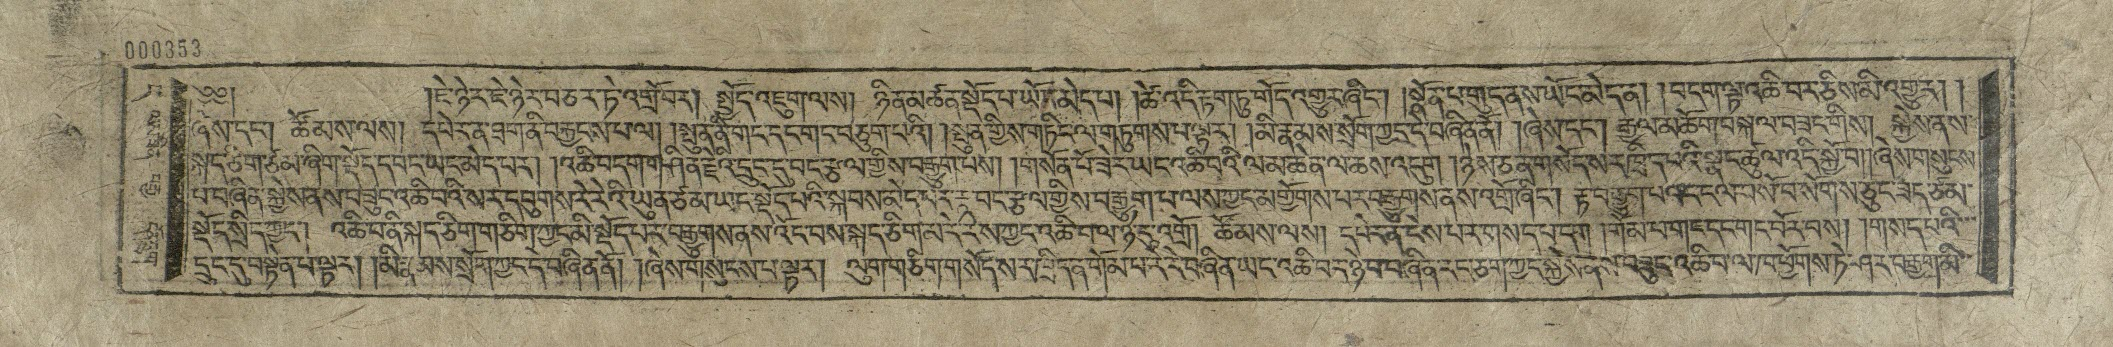༄༅། །ཇེ་ཉེར་ཇེ་ཉེར་བཅར་ཏེ་འགྲོ་བར། སྤྱོད་འཇུག་ལས། ཉིན་མཚན་སྡོད་པ་ཡོང་མེད་པ། །ཚེ་འདི་རྟག་ཏུ་གོད་འགྱུར་ཞིང་། །སྣོན་པ་གུད་ནས་ཡོང་མེད་ན། །བདག་ལྟ་འཆི་བར་ཅིས་མི་འགྱུར། །
ཞེས་དང་། ཚོམས་ལས། དཔེར་ན་ཐག་ནི་བརྐྱངས་པ་ལ། །སྤུན་ནི་གང་དང་གང་བཅུག་པའི། །སྤུན་གྱིས་གཏིང་ལ་གཏུགས་པ་ལྟར། །མི་རྣམས་སྲོག་ཀྱང་དེ་བཞིན་ནོ། །ཞེས་དང་། རྒྱལ་མཆོག་བསྐལ་བཟང་གིས། སྐྱེས་ནས་
སྐད་ཅིག་ཙམ་ཞིག་སྡོད་དབང་ཡང་མེད་པར། །འཆི་བདག་གཤིན་རྗེའི་དྲུང་དུ་བང་རྩལ་གྱིས་བརྒྱུག་པས། །གསོན་པོ་ཟེར་ཡང་འཆི་བའི་ལམ་ཆེན་ལ་ཆས་འདུག །ཉེས་ཅན་གསོད་སར་ཁྲིད་པའི་སྣང་ཚུལ་འདི་སྐྱོ་བ། །ཞེས་གསུངས་
པ་བཞིན་སྐྱེས་ནས་བཟུང་འཆི་བའི་སར་དབུགས་རེ་རེའི་ཡུན་ཙམ་ཡང་སྡོད་པའི་སྐབས་མེད་པར་རྟ་བང་རྩལ་གྱིས་བརྒྱུག་པ་ལས་ཀྱང་མགྱོགས་པར་བརྒྱུགས་ནས་འགྲོ་ཞིང་། རྟ་བརྒྱུག་པའང་ངལ་བསོ་བ་སོགས་ཅུང་ཟད་ཙམ་
སྡོད་སྲིད་ཀྱང་། འཆི་བ་ནི་སྐད་ཅིག་གཅིག་ཀྱང་མི་སྡོད་པར་བརྒྱུགས་ནས་འོང་བས་སྐད་ཅིག་མ་རེ་རེས་ཀྱང་འཆི་བ་ལ་ཉེ་རུ་འགྲོ། ཚོམས་ལས། དཔེར་ན་ངེས་པར་གསད་པ་དག །གོམ་པ་གང་དང་གང་བོར་བས། །གསད་པའི་
དྲུང་དུ་བསྟེན་པ་ལྟར། །མི་རྣམས་སྲོག་ཀྱང་དེ་བཞིན་ནོ། །ཞེས་གསུངས་པ་ལྟར། ལུག་གཅིག་གསོད་སར་ཁྲིད་ན་གོམ་པ་རེ་རེ་བཞིན་ཡང་འཆི་བར་ཉེ་བ་བཞིན་རང་ཅག་ཀྱང་སྐྱེས་ནས་བཟུང་འཆི་བ་ལ་ཁ་ཕྱོགས་ཏེ་ཤར་བརྒྱག་མི་